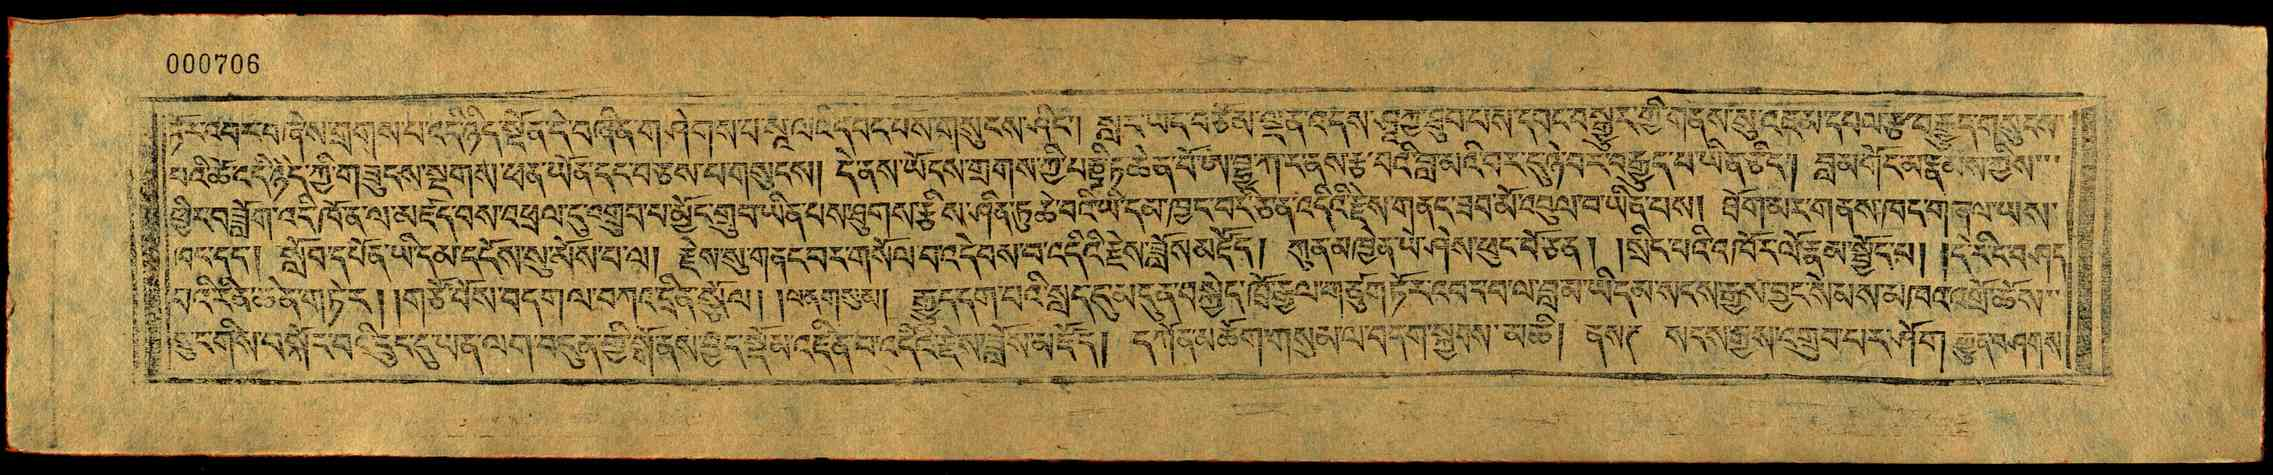ཏོར་འབར་བ་ཞེས་གྲགས་པ་འདི་ཉིད་སྔོན་དེ་བཞིན་གཤེགས་པ་སཱ་ལའི་དབང་པོས་གསུངས་ཤིང་། སླར་ཡང་བཅོམ་ལྡན་འདས་ཤཱཀྱ་ཐུབ་པས་དབང་བསྒྱུར་གྱི་གནས་སུ་འཇམ་དཔལ་རྩ་བརྒྱུད་གསུངས་
པའི་ཚེ་འདི་ཉིད་ཀྱི་གཟུངས་སྔགས་ཕན་ཡོན་དང་བཅས་པ་གསུངས། དེ་ནས་ཡོངས་གྲགས་ཀྱི་པཎྜི་ཏ་ཆེན་པོ་ཨབྷྱ་ཀ་ར་ནས་རྩ་བའི་བླ་མའི་བར་དུ་ཉེ་བར་བརྒྱུད་པ་ཡིན་ཅིང་། བླ་མ་གོང་མ་རྣམས་ཀྱིས་
ཕྱིར་བཟློག་འདི་ཁོ་ན་ལ་མཛད་པས་འཕྲལ་དུ་འགྲུབ་པ་མྱོང་གྲུབ་ཡིན་པས་ཐུགས་རྩིས་ཤིན་ཏུ་ཆེ་བའི་ཡི་དམ་ཁྱད་པར་ཅན་འདིའི་རྗེས་གནང་ཟབ་མོ་འབུལ་བ་ཡིན་པས། ཐོག་མར་གནས་ཁང་གཞལ་ཡས་
ཁང་དང་། སློབ་དཔོན་ཡི་དམ་དངོས་སུ་མོས་པ་ལ། རྗེས་སུ་གནང་བར་གསོལ་བ་འདེབས་པ་འདིའི་རྗེས་ཟློས་མཛོད། ཀུན་མཁྱེན་ཡེ་ཤེས་ཕུང་པོ་ཅན། །སྲིད་པའི་འཁོར་ལོ་རྣམ་སྦྱོང་བ། །དེ་རིང་བཤད་
པའི་རིན་ཆེན་གཏེར། །གཙོ་བོས་བདག་ལ་བཀའ་དྲིན་སྩོལ། ། ལན་གསུམ།  རྒྱུད་དག་པའི་སླད་དུ་མདུན་བསྐྱེད་ཁྲོ་རྒྱལ་གཙུག་ཏོར་འབར་བ་ལ་བླ་མ་ཡི་དམ་སངས་རྒྱས་བྱང་སེམས་མཁའ་འགྲོ་ཆོས་
སྲུང་གིས་བསྐོར་བའི་དྲུང་དུ་ཡན་ལག་བདུན་གྱི་སྒོ་ནས་བྱང་སྡོམ་འཛིན་པ་འདིའི་རྗེས་ཟློས་མཛོད། དཀོན་མཆོག་གསུམ་ལ་བདག་སྐྱབས་མཆི། ནས༑ སངས་རྒྱས་འགྲུབ་པར་ཤོག་རྒྱུན་བཤགས་